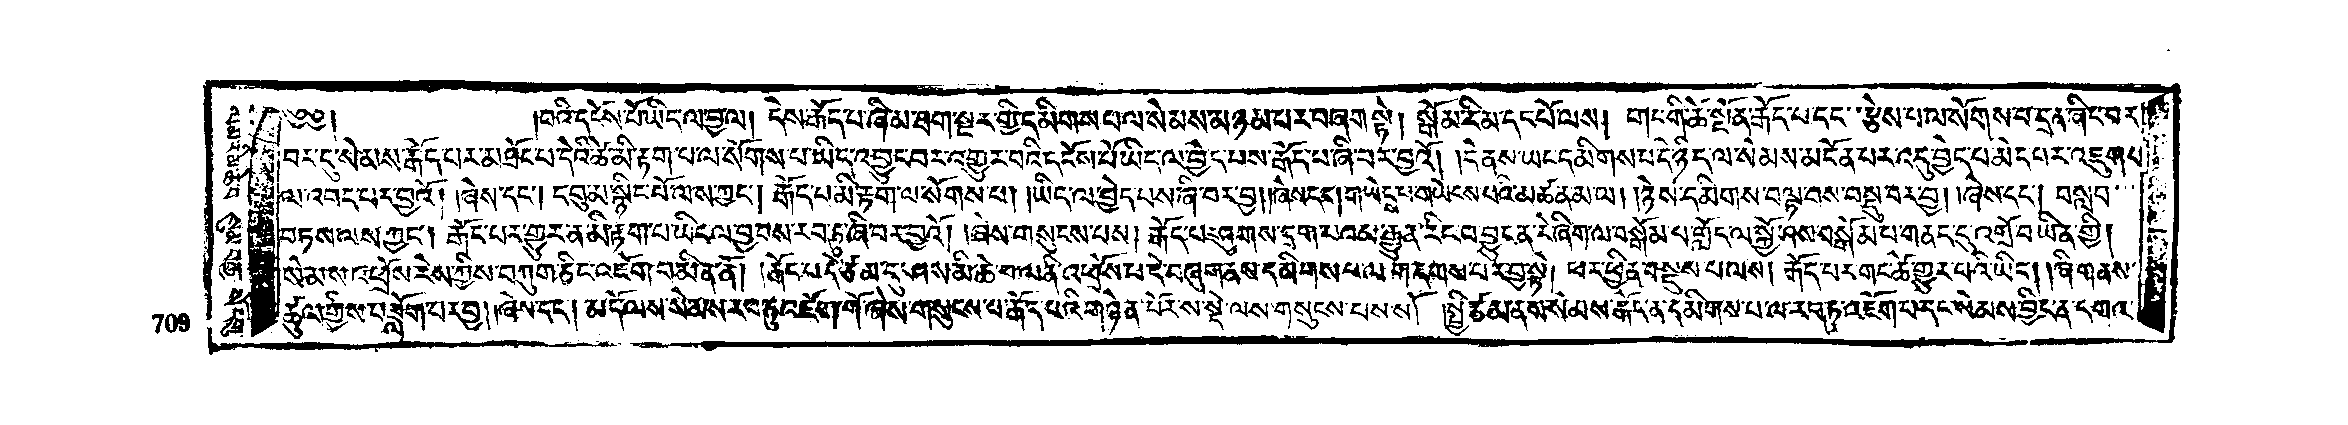༄༅། །བའི་དངོས་པོ་ཡིད་ལ་བྱ་ལ། དེས་རྒོད་པ་ཞི་མ་ཐག་སྔར་གྱི་དམིགས་པ་ལ་སེམས་མཉམ་པར་བཞག་སྟེ། སྒོམ་རིམ་དང་པོ་ལས། གང་གི་ཚེ་སྔོན་རྒོད་པ་དང་རྩེས་པ་ལ་སོགས་པ་དྲན་ཞིང་བར་
བར་དུ་སེམས་རྒོད་པར་མཐོང་བ་དེའི་ཚེ་མི་རྟག་པ་ལ་སོགས་པ་ཡིད་འབྱུང་བར་འགྱུར་བའི་དངོས་པོ་ཡིད་ལ་བྱེད་པས་རྒོད་པ་ཞི་བར་བྱའོ། །དེ་ནས་ཡང་དམིགས་པ་དེ་ཉིད་ལ་སེམས་མངོན་པར་འདུ་བྱེད་པ་མེད་པར་འཇུག་པ་
ལ་འབད་པར་བྱའོ། །ཞེས་དང་། དབུ་མ་སྙིང་པོ་ལས་ཀྱང་། རྒོད་པ་མི་རྟག་ལ་སོགས་པ། །ཡིད་ལ་བྱེད་པས་ཞི་བར་བྱ། །ཞེས་དང་། གཡེངས་པ་གཡེངས་པའི་མཚན་མ་ལ། །ཉེས་དམིགས་བལྟ་བས་བསྡུ་བར་བྱ། །ཞེས་དང་། བསླབ་
བཏུས་ལས་ཀྱང་། རྒོད་པར་གྱུར་ན་མི་རྟག་པ་ཡིད་ལ་བྱ་བས་རབ་ཏུ་ཞི་བར་བྱའོ། །ཞེས་གསུངས་པས། རྒོད་པ་ཤུགས་དྲག་པའམ་རྒྱུན་རིང་བ་བྱུང་ན་རེ་ཞིག་ལ་བསྒོམ་པ་གློད་ལ་སྐྱོ་ཤས་བསྒོམ་པ་གནད་དུ་འགྲོ་བ་ཡིན་གྱི།
སེམས་འཕྲོས་རེས་ཀྱིས་བཀུག་ཅིང་འཇོག་པ་མིན་ནོ། །རྒོད་པ་དེ་ཙམ་དུ་ཤས་མི་ཆེ་བ་ལ་ནི་འཕྲོས་པ་དེ་བཀུག་ནས་དམིགས་པ་ལ་གདགས་པར་བྱ་སྟེ། ཕར་ཕྱིན་བསྡུས་པ་ལས། རྒོད་པར་གང་ཚེ་གྱུར་པའི་ཡིད། །ཞི་གནས་
ཚུལ་གྱིས་བཟློག་པར་བྱ། །ཞེས་དང་། མདོ་ལས་སེམས་རབ་ཏུ་འཇོག་གོ་ཞེས་གསུངས་པ་རྒོད་པའི་གཉེན་པོར་ས་སྡེ་ལས་གསུངས་པས་སོ། །སྤྱི་ཙམ་ནས་སེམས་རྒོད་ན་དམིགས་པ་ལ་རབ་ཏུ་འཇོག་པ་དང་སེམས་བྱིང་ན་དགའ་